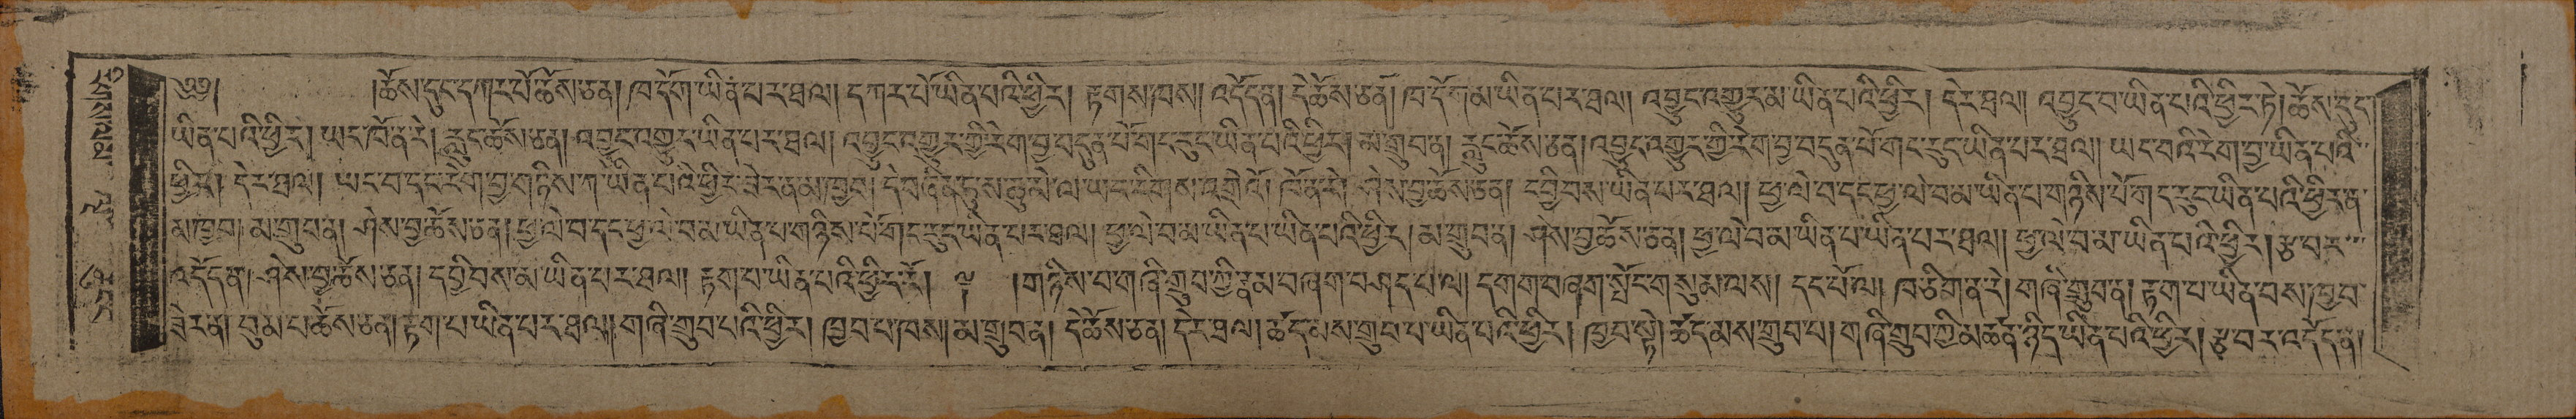༄༅། །ཆོས་དུང་དཀར་པོ་ཆོས་ཅན། ཁ་དོག་ཡིན་པར་ཐལ། དཀར་པོ་ཡིན་པའི་ཕྱིར། རྟགས་ཁས། འདོད་ན། དེ་ཆོས་ཅན། ཁ་དོག་མ་ཡིན་པར་ཐལ། འབྱུང་འགྱུར་མ་ཡིན་པའི་ཕྱིར། དེར་ཐལ། འབྱུང་བ་ཡིན་པའི་ཕྱིར་ཏེ། ཆོས་དུང་
ཡིན་པའི་ཕྱིར། ཡང་ཁོ་ན་རེ། རླུང་ཆོས་ཅན། འབྱུང་འགྱུར་ཡིན་པར་ཐལ། འབྱུང་འགྱུར་གྱི་རིག་བྱ་བདུན་པོ་གང་རུང་ཡིན་པའི་ཕྱིར། མ་གྲུབ་ན། རླུང་ཆོས་ཅན། འབྱུང་འགྱུར་གྱི་རེག་བྱ་བདུན་པོ་གང་རུང་ཡིན་པར་ཐལ། ཡང་བའི་རེག་བྱ་ཡིན་པའི་
ཕྱིར༑ དེར་ཐལ། ཡང་བ་དང་རེག་བྱ་གཉིས་ཀ་ཡིན་པའི་ཕྱིར་ཟེར་ན་མ་ཁྱབ། དེ་བཞིན་ཏུ་ས་ཆུ་མེ་ལ་ཡང་རིགས་འགྲེའོ། ཁོ་ན་རེ། ཤེས་བྱ་ཆོས་ཅན། དབྱིབས་ཡིན་པར་ཐལ། ཕྱ་ལེ་བ་དང་ཕྱ་ལེ་བ་མ་ཡིན་པ་གཉིས་པོ་གང་རུང་ཡིན་པའི་ཕྱིར་ན་
མ་ཁྱབ། མ་གྲུབ་ན། ཤེས་བྱ་ཆོས་ཅན། ཕྱ་ལེ་བ་དང་ཕྱ་ལེ་བ་མ་ཡིན་པ་གཉིས་པོ་གང་རུང་ཡིན་པར་ཐལ། ཕྱ་ལེ་བ་མ་ཡིན་པ་ཡིན་པའི་ཕྱིར། མ་གྲུབ་ན། ཤེས་བྱ་ཆོས་ཅན། ཕྱ་ལེ་བ་མ་ཡིན་པ་ཡིན་པར་ཐལ། ཕྱ་ལེ་བ་མ་ཡིན་པའི་ཕྱིར། རྩ་བར་
འདོད་ན། ཤེས་བྱ་ཆོས་ཅན། དབྱིབས་མ་ཡིན་པར་ཐལ། རྟག་པ་ཡིན་པའི་ཕྱིར་རོ། ༈ །གཉིས་པ་གཞི་གྲུབ་ཀྱི་རྣམ་བཞག་བཤད་པ་ལ། དགག་བཞག་སྤོང་གསུམ་ལས། དང་པོ་ལ། ཁ་ཅིག་ན་རེ། གཞི་གྲུབ་ན། རྟག་པ་ཡིན་པས་ཁྱབ་
ཟེར་ན། བུམ་པ་ཆོས་ཅན། རྟག་པ་ཡིན་པར་ཐལ། གཞི་གྲུབ་པའི་ཕྱིར། ཁྱབ་པ་ཁས། མ་གྲུབ་ན། དེ་ཆོས་ཅན། དེར་ཐལ། ཚད་མས་གྲུབ་པ་ཡིན་པའི་ཕྱིར། ཁྱབ་སྟེ། ཚད་མས་གྲུབ་པ། གཞི་གྲུབ་ཀྱི་མཚན་ཉིད་ཡིན་པའི་ཕྱིར་རྩ་བར་འདོད་ན།